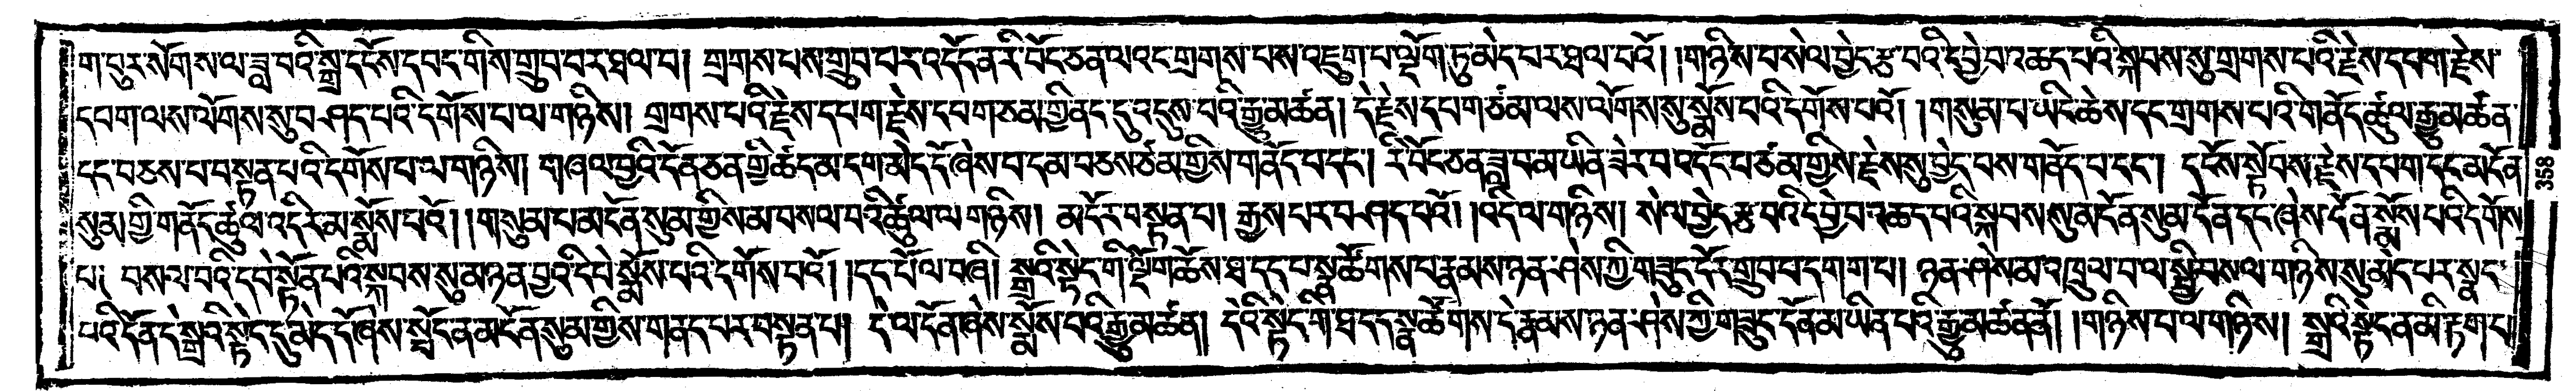ག་པུར་སོགས་ལ་ཟླ་བའི་སྒྲ་དངོས་དབང་གིས་གྲུབ་པར་ཐལ་བ། གྲགས་པས་གྲུབ་པར་འདོད་ན་རི་བོང་ཅན་ལའང་གྲགས་པས་འཇུག་པ་ལྡོག་ཏུ་མེད་པར་ཐལ་བའོ། །གཉིས་པ་སེལ་བྱེད་རྩ་བའི་དབྱེ་བ་འཆད་པའི་སྐབས་སུ་གྲགས་པའི་རྗེས་དཔག་རྗེས་
དཔག་ལས་ལོགས་སུ་བཤད་པའི་དགོས་པ་ལ་གཉིས། གྲགས་པའི་རྗེས་དཔག་རྗེས་དཔག་ཙམ་གྱི་ནང་དུ་འདུས་པའི་རྒྱུ་མཚན། དེ་རྗེས་དཔག་ཙམ་ལས་ལོགས་སུ་སྨོས་པའི་དགོས་པའོ། །གསུམ་པ་ཡིད་ཆེས་དང་གྲགས་པའི་གནོད་ཚུལ་རྒྱུ་མཚན་
དང་བཅས་པ་བསྟན་པའི་དགོས་པ་ལ་གཉིས། གཞལ་བྱའི་དོན་ཅན་གྱི་ཚད་མ་དག་མེད་དོ་ཞེས་པ་དམ་བཅས་ཙམ་གྱིས་གནོད་པ་དང་། རི་བོང་ཅན་ཟླ་བ་མ་ཡིན་ཟེར་བ་འདོད་པ་ཙམ་གྱིས་རྗེས་སུ་བྱེད་པས་གནོད་པ་དང་། དངོས་སྟོབས་རྗེས་དཔག་དང་མངོན་
སུམ་གྱི་གནོད་ཚུལ་འདིར་མ་སྨོས་པའོ། །གསུམ་པ་མངོན་སུམ་གྱིས་མ་བསལ་བའི་ཚུལ་ལ་གཉིས། མདོར་བསྟན་པ། རྒྱས་པར་བཤད་པའོ། །འདི་ལ་གཉིས། སེལ་བྱེད་རྩ་བའི་དབྱེ་བ་འཆད་པའི་སྐབས་སུ་མངོན་སུམ་དོན་དང་ཞེས་དོན་སྨོས་པའི་དགོས་
པ། བསལ་བའི་དཔེ་སྟོན་པའི་སྐབས་སུ་མཉན་བྱའི་དཔེ་སྨོས་པའི་དགོས་པའོ། །དང་པོ་ལ་བཞི། སྒྲའི་སྟེང་གི་ལྡོག་ཆོས་ཐ་དད་པ་སྣ་ཚོགས་པ་རྣམས་ཉན་ཤེས་ཀྱི་གཟུང་དོར་གྲུབ་པ་དགག་པ། ཉན་ཤེས་མ་འཁྲུལ་བ་ལ་སྤྱི་བསལ་གཉིས་སུ་མེད་པར་སྣང་
པའི་དོན་དེ་སྒྲའི་སྟེང་དུ་མེད་དོ་ཞེས་སྤོང་ན་མངོན་སུམ་གྱིས་གནད་པར་བསྟན་པ། དེ་ལ་དོན་ཞེས་སྨོས་པའི་རྒྱུ་མཚན། དེའི་སྟེང་གི་ཐ་དད་སྣ་ཚོགས་དེ་རྣམས་ཉན་ཤེས་ཀྱི་གཟུང་དོན་མ་ཡིན་པའི་རྒྱུ་མཚན་ནོ། །གཉིས་པ་ལ་གཉིས། སྒྲའི་སྟེང་ན་མི་རྟག་པ་